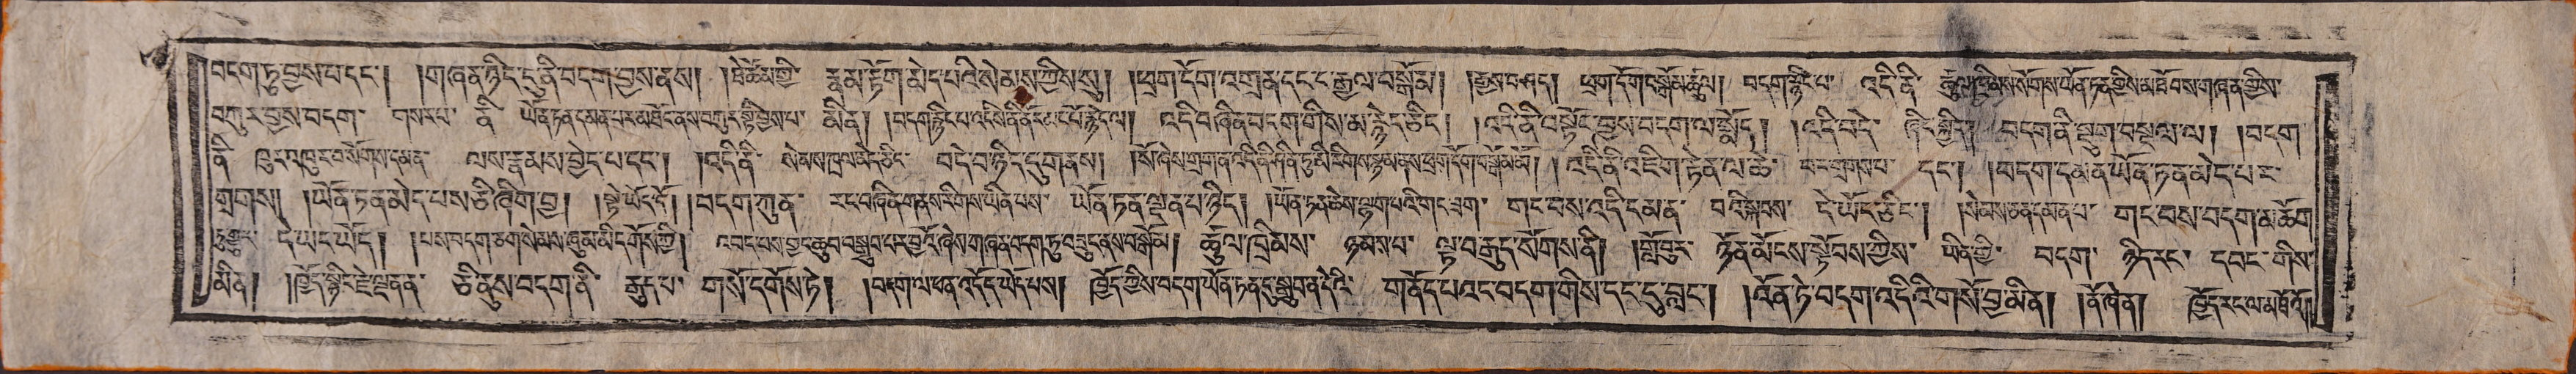བདག་ཏུ་བྱས་པ་དང་། །གཞན་ཉིད་དུ་ནི་བདག་བྱས་ནས། །ཐེ་ཚོམ་གྱི་རྣམ་རྟོག་མེད་པའི་སེམས་ཀྱིས་སུ། །ཕྲག་དོག་འགྲན་དང་ང་རྒྱལ་བསྒོམ། །རྒྱས་བཤད། །ཕྲག་དོག་བསྒོམ་ཚུལ། བདག་རྙིང་པ་འདི་ནི་ཚུལ་ཁྲིམས་སོགས་ཡོན་ཏན་གྱིས་མཐོ་བས་གཞན་གྱིས
བཀུར་བྱས་བདག་གསར་པ་ནི་ཡོན་ཏན་དམན་པར་མཐོང་ནས་བཀུར་སྟེ་བྱས་པ་མིན། །བདག་རྙིང་པ་འདིས་ནི་ནོར་མང་པོ་རྙེད་ལ་འདི་བཞིན་བདག་གིས་མ་རྙེད་ཅིང་། །འདི་ནི་བསྟོད་བྱས་བདག་ལ་སྨོད། །འདི་བདེ་ཞིང་སྐྱིད།  བདག་ནི་སྡུག་བསྔལ་ལ། །བདག་
ནི་ཁུར་འཁུར་བ་སོགས་དམན་ལས་རྣམས་བྱེད་པ་དང་། །འདི་ནི་སེམས་ཁྲལ་མེད་ཅིང་བདེ་བ་ཉིད་དུ་གནས། །སོ་ཞེས་གྲག་ན་འདི་ནི་ཤིན་ཏུ་མི་རིགས་སྙམ། ནས་ཕྲག་དོག་བསྒོམ་མོ།  །འདི་ནི་འཇིག་རྟེན་ལ་ཆེ་བར་གྲགས་པ་དང་། །བདག་དམན་ཡོན་ཏན་མེད་པར་
གྲགས། །ཡོན་ཏན་མེད་པས་ཅི་ཞིག་བྱ། །སྟེ་ཡོད་དོ།  །བདག་ཀུན་རང་བཞིན་གནས་རིགས་ཡིན་པས་ཡོན་ཏན་ལྡན་པ་ཉིད། །ཡོན་ཏན་ཆེས་ལྷག་པའི་གང་ཟག་གང་བས་འདི་དམན་བའི་སྐབས་དེ་ཡོད་ཅིང་། །སེམས་ཅན་དམན་པ་གང་བས་བདག་མཆོག་
ཏུ་གྱུར་དེ་ཡང་ཡོད། །པས་བདག་ཅག་སེམས་ཞུམ་མི་དགོས་ཀྱི། འབད་པས་བྱང་ཆུབ་བསྒྲུབ་པར་བྱའོ་ཞེས་གཞན་བདག་ཏུ་བཟུང་ནས་བསྒོམ།  ཚུལ་ཁྲིམས་ཉམས་པ་ལྟ་བ་རྒུད་སོགས་ནི། །གློ་བུར་ཉོན་མོངས་སྟོབས་ཀྱིས་ཡིན་གྱི་བདག་ཉིད་རང་དབང་གིས
མིན། །ཁྱོད་སྙིང་རྗེ་ལྡན་ན།  ཅི་ནུས་བདག་ནི་རྒུད་པ་གསོ་དགོས་ཏེ། །བདག་ལ་ཕན་འདོད་ཡོད་པས། ཁྱོད་ཀྱིས་བདག་ཡོན་ཏན་དུ་སྒྲུབ་ན་དེའི་གནོད་པའང་བདག་གིས་དང་དུ་བླང་། །འོ་ན་ཏེ་བདག་འདིའི་གསོ་བྱ་མིན། ནོ་ཞེ་ན། ཁྱོད་རང་ལ་མཐོའོ།།